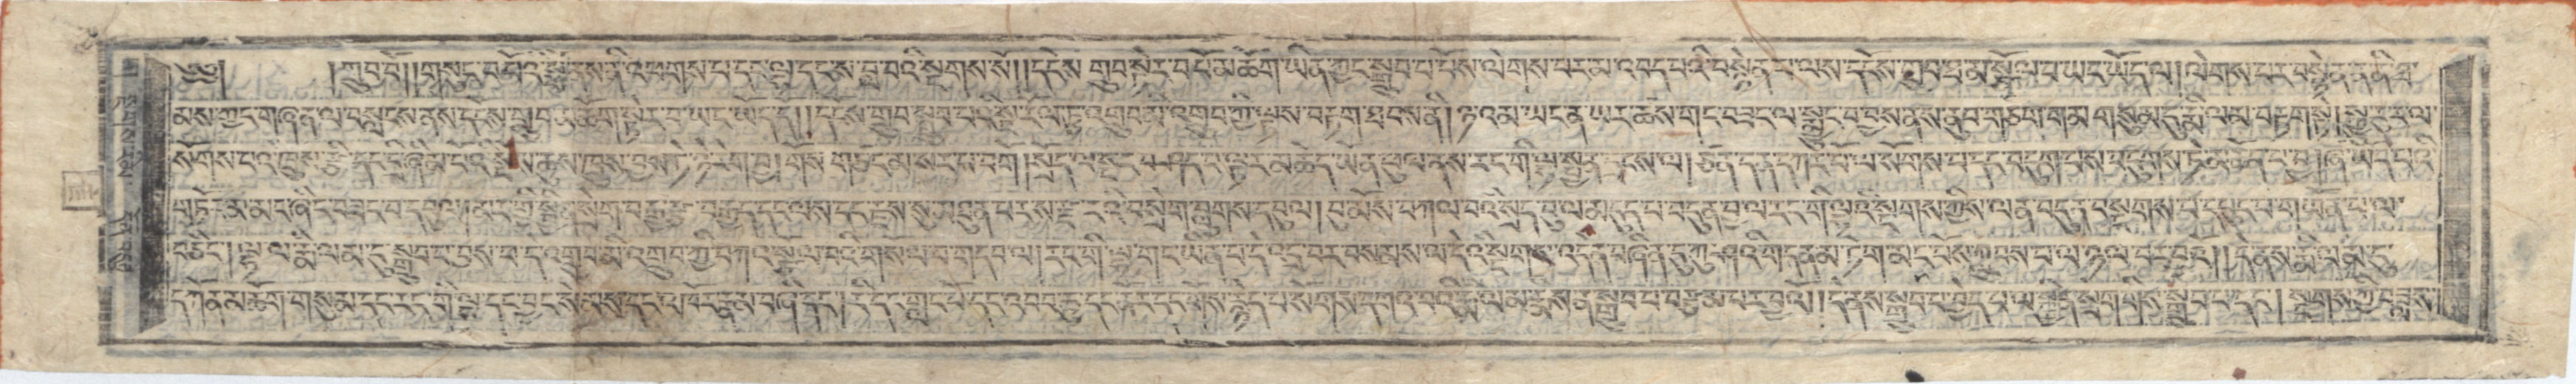༄༅། །གྲུབ་བོ། །གསུང་བ་པོའི་སྒོ་ནས་ནི་འཕགས་པ་དང་ལྷ་དང་ས་བླ་བའི་སྔགས་སོ། །དངོས་གྲུབ་སྟེར་བ་པོ་མཆོག་ཡིན་ཀྱང་སྒྲུབ་པ་པོས་ལེགས་པར་མ་འབད་པའི་བསྙེན་པ་ལས་དངོས་གྲུབ་ཐ་མ་སྩོལ་བ་ཡང་ཡོད་ལ། ལེགས་པར་བསྙེན་ན་ནི་ཐ་
མས་ཀྱང་གཞན་ལ་བསླངས་ནས་དངོས་གྲུབ་མཆོག་སྟེར་བ་ཡང་ཡོད་དོ། །དངོས་གྲུབ་སྒྲུབ་པའི་སྔ་རོལ་ཏུ་འགྲུབ་མི་འགྲུབ་ཀྱི་ལྟས་བརྟག་ཐབས་ནི། ཉ་འམ་ཡང་ན་ཡར་ཆོས་གང་བཟང་ལ་སྨྱུང་བ་བྱས་ནས་ནུབ་གཅིག་གམ་གསུམ་དུ་རྨི་ལམ་བརྟག་སྟེ། སྐྱུ་རུ་ར་ལ་
སོགས་པའི་ཁྲུས་རྩི་དང་དྲི་ཞིམ་པོའི་སྤོས་ཆུས་ཁྲུས་བྱས་ཏེ་ཉེ་རེག་བྱ། གོས་གཙང་མ་སར་པ་བགོ །སྲོད་ལ་སྔར་བཤད་པ་ལྟར་མཆོད་ཡོན་ཕུལ་ནས་རང་གི་ལྷ་སྤྱན་དྲངས་ལ། ཙན་དན་དཀར་པོ་ལ་སོགས་པ་དང་བདུག་པས་བདུགས་ཏེ་མཆོད་པ་བྱ། ཞི་ཡོད་པའི་
གཏོར་མ་མང་ཞིང་བཟང་བ་དབུལ། མར་གྱི་སྦྱིན་སྲེག་བརྒྱ་རྩ་བརྒྱད་དང་ལས་དང་རྗེས་སུ་མཐུན་པར་ས་རྫ་རའི་བསྲེག་བླུགས་དབུལ། བུ་མོས་བཀལ་བའི་སྲད་བུ་ལ་མདུད་པ་བདུན་བྱ་ལ་རང་གི་ལྷའི་སྔགས་ཀྱིས་ལན་བདུན་བསྔགས་པ་དཔུང་པ་གཡོན་པ་ལ་
བཅིང་། ལྷ་ལ་རྨི་ལམ་དུ་སྒྲུབ་པ་བྱས་པ་དེ་འགྲུབ་མི་འགྲུབ་ཀྱི་བཀའ་སྩོལ་བའི་གསོལ་བ་གདབ་ལ། རང་གི་ལྷ་གང་ཡིན་པ་དེ་འདྲ་བར་བསམས་ལ་དེའི་སྔགས་འདོན་བཞིན་དུ་ཀུ་ཤའི་གདན་མ་ཏོག་མང་པོས་ཀླུབས་པ་ལ་ཉལ་བར་བྱའོ། །དེ་ནས་རྨི་ལམ་དུ་
དཀོན་མཆོག་གསུམ་དང་རང་གི་ལྷ་དང་བྱང་སེམས་དང་འཁོར་རྣམ་བཞི་དང་། རི་དང་གླང་པོ་དང་འབབ་ཆུ་དང་ནོར་དང་གོས་རྙེད་པ་སོགས་དགའ་བའི་རྨི་ལམ་རྨིས་ན་སྒྲུབ་པ་བརྩམ་པར་བྱའོ། །དེ་ནས་སྒྲུབ་པ་བྱེད་པ་ལ་སྦྱིན་སྲེག་གིས་སྒྲུབ་པ་དང་། སྔགས་ཀྱི་བཟླས་